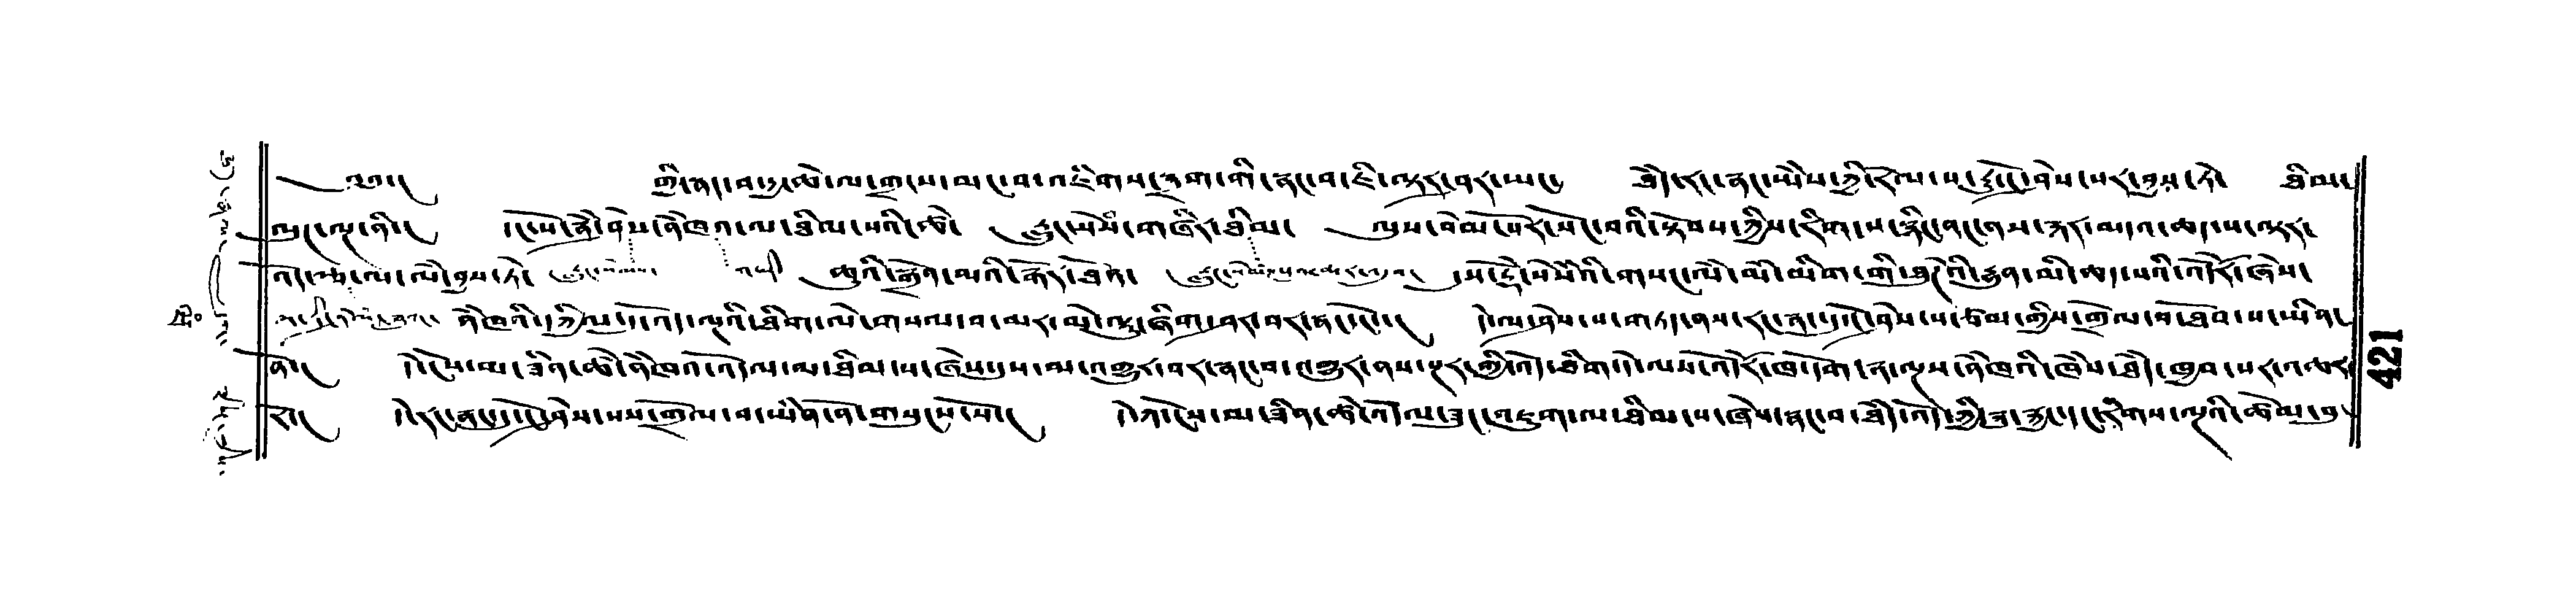གྱི་སྣང་བ་རྒྱ་ཆེ་ལ་གྲངས་མང་བ་འཇིགས་སྐྲག་གི་སྣང་བ་ཇི་ལྟར་ཤར་ཡང་། ཐམས་ཅད་རང་སྣང་ཡེ་ཤེས་ཀྱི་རོལ་པ་རུ་ངོ་ཤེས་པར་བྱས་ཏེ། ཐིམ་
ལུགས་ལྔ་ནི། དང་པོ་རྣམ་ཤེས་ནམ་མཁའ་ལ་ཐིམ་པའི་ཚེ་རླུང་སེམས་གཞིར་ཐིམ། ལུས་བེམ་པོར་སོང་བའི་སྟོབས་ཀྱིས་རིག་པ་སྙིང་ནང་ནས་སྐར་མདའ་ཆད་པ་ལྟར་
འོད་རྩ་ལ་ལམ་བྱས་ཏེ་ ཆུའི་སྒྲོན་མའི་སྒོར་ཐོན་ དུས་རྡོ་རྗེ་སེམས་དཔའི་གསང་ལམ་མམ་མིག་གི་ཐུགས་རྗེའི་རྒྱུན་མི་ཆད་པའི་འོད་ཟེར་ཞེས་
ནམ་མཁའི་དཀྱིལ་དུ་འོད་ལྔའི་ཐིག་ལེ་གསལ་བ་མར་མེ་ལྟ་བུ་ཞིག་ཤར་བར་སྣང་ངོ་།དེ་ལ་ཤེས་པ་གཏད་ནས་རང་སྣང་དུ་ངོ་ཤེས་ཙམ་གྱིས་གྲོལ་བ་ཐོབ་པ་ཡིན་
ནོ། དེ་ངོས་མ་ཟིན་ཚེ་ནམ་མཁའ་འོད་གསལ་ལ་ཐིམ་པ་ཞེས་དུས་མ་འགྱུར་བར་སྣང་བ་འགྱུར་ནས་སྔར་གྱི་འོད་ཐིག་དེ་ལས་འོད་ཟེར་ཁ་དོག་སྣ་ལྔས་ནམ་མཁའི་ཁམས་ཐམས་ཅད་ཁྱབ་པར་འཆར་
རོ། དེ་རང་སྣང་དུ་ངོ་ཤེས་པས་གྲོལ་བ་ཡིན་ནོ་གསུངས་སོ། དེ་ཀ་ངོས་མ་ཟིན་ཚེ་འོད་གསལ་ཟུང་འཇུག་ལ་ཐིམ་པ་ཞེས་སྣང་བ་ཐམས་ཅད་འོད་ཀྱི་སྐུ་རྐྱང་དང་རིགས་ལྔའི་ཚོམ་བུ་